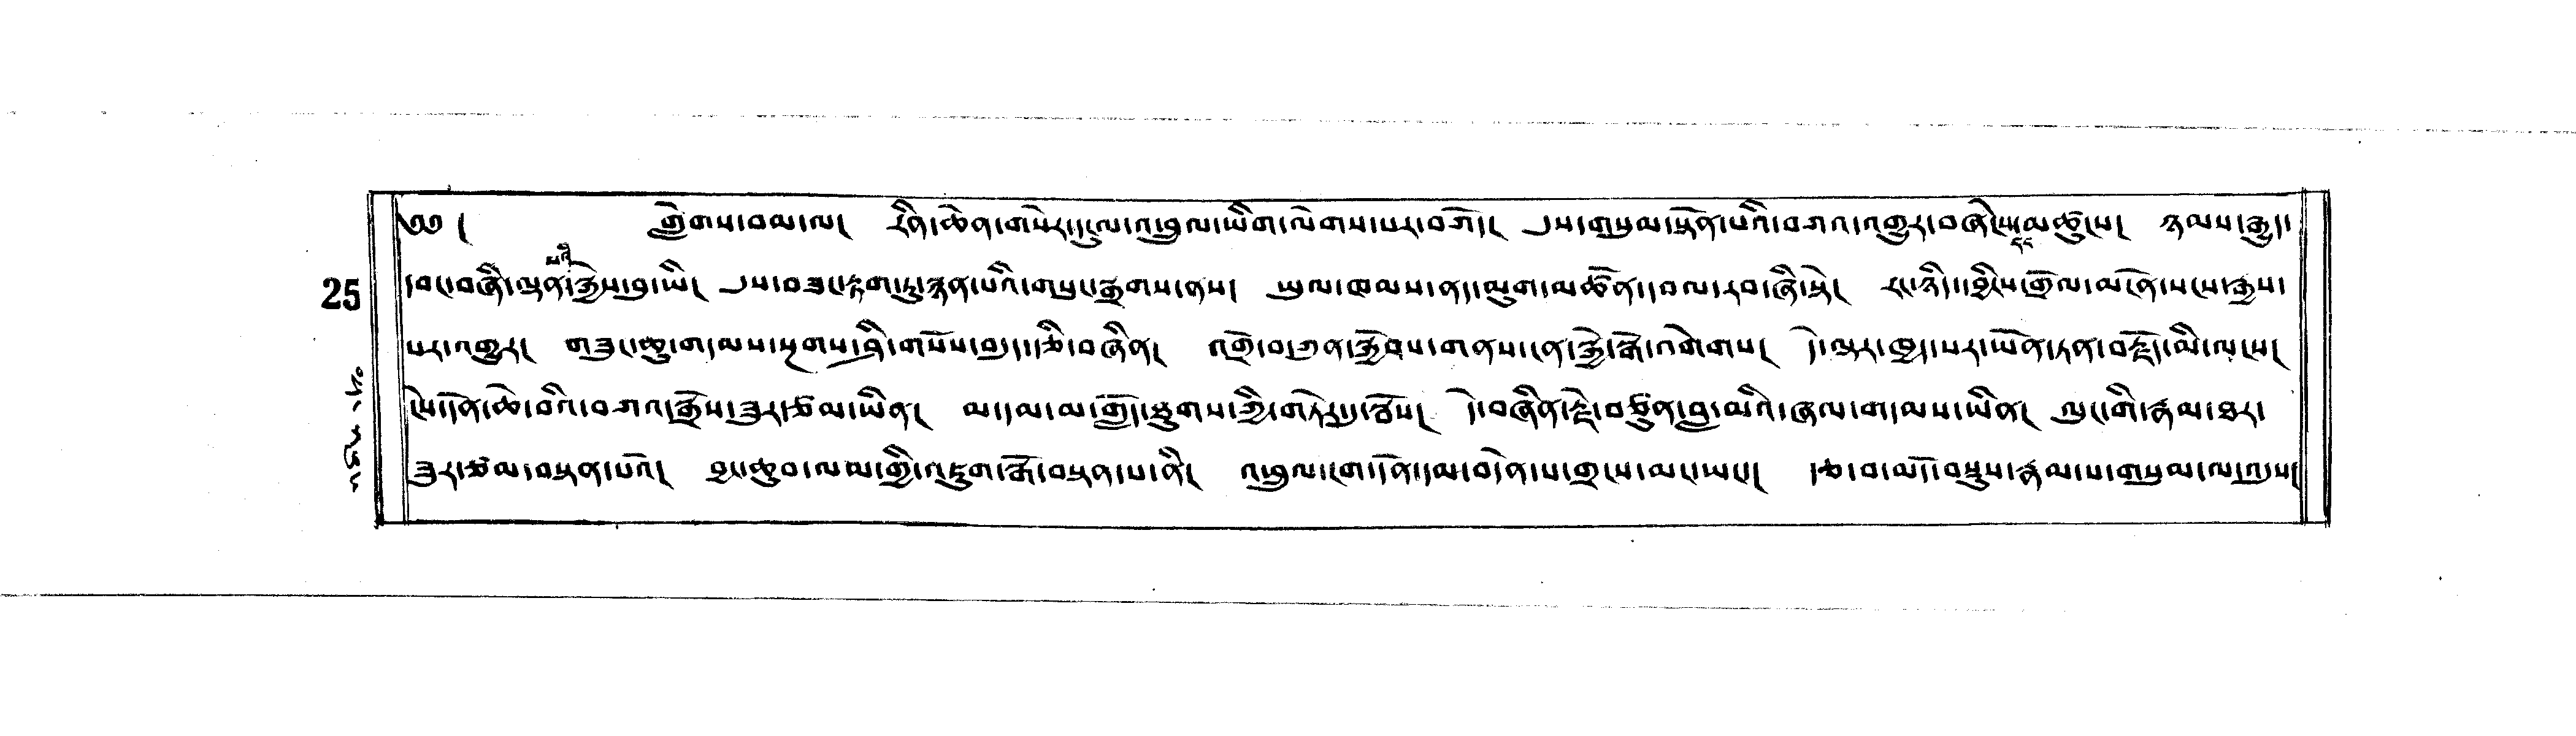གླེགས་བམ་ལ། རིན་ཆེན་གསེར་དངུལ་འཕྲུལ་ཡིག་ལེགས་པར་བཀོད། དུས་གསུམ་སྟོན་པའི་བཀའ་འགྱུར་བཞེངས་དང་མཚུངས། ཉམས་རྒྱུད་
དབང་བཞི་ལྡན་པའི་སྐྱེས་བུ་ཡི། དུས་བཟང་རྟག་ཏུ་སྙན་པའི་གསུང་བསྒྲགས་ནས། ཡུལ་ཁམས་ནད་མུག་མཚོན་དབལ་རབ་ཞི་སྟེ། རང་ཉིད་དབྱིངས་གྲོལ་མངོན་སངས་རྒྱས་
པར་འགྱུར། གཟུངས་ཆུ་གདམས་སྔགས་ཤི་གསོས་བདུད་རྩི་བཞིན། འགྲོ་བ་ཀུན་སྐྱོབས་གནས་ངན་སྐྱེ་སྒོ་འགེགས། དེ་ལྟར་ཁྱད་པར་ཡོན་ཏན་བརྗོད་མི་ལང་། 
ངེས་དོན་ཆེ་བའི་བཀའ་སྒྲོས་ཟུར་ཙམ་ཡིན། མ་དམ་མ་གློད་ཐུགས་ཀྱི་གཏེར་དུ་སྦོས། དེ་བཞིན་རྗེ་བཙུན་བླ་མའི་ཞལ་གདམས་ཡིན། ལུང་གི་རྣམ་ཐར་
ཟུར་ཙམ་བསྟན་པའོ། །བྱང་ཆུབ་ལམ་གྱི་འཇུག་སྒོ་བསྟན་པ་ནི། འཕྲུལ་ངག་དོན་དམ་བདེན་པ་གྲངས་མང་ཡང་། རྩ་བ་མདོ་བསྡུས་རྣམ་པ་གསུམ་ལ་འདུས།